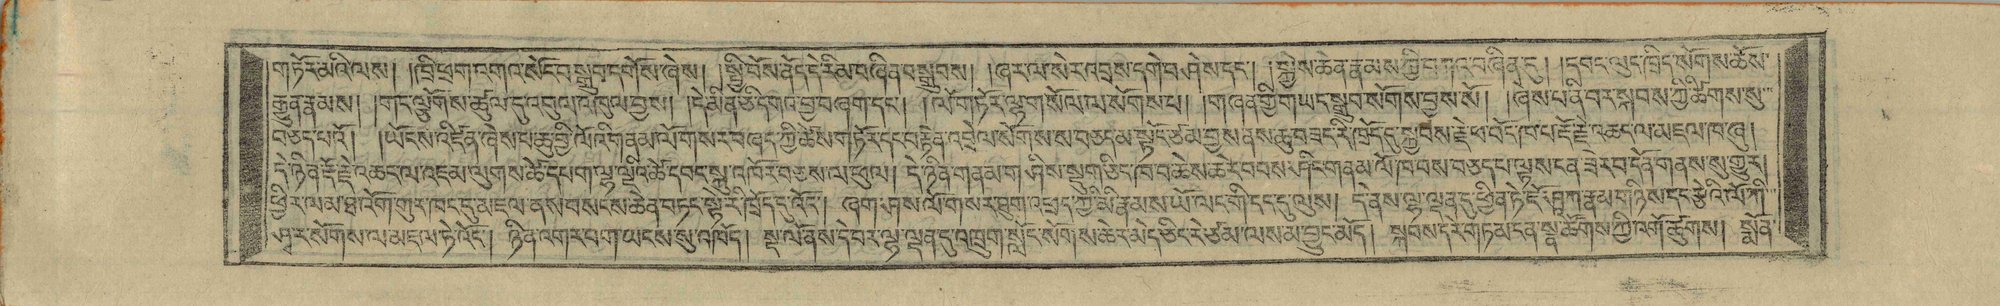གཏོར་མའི་ལས། །ཁྲི་ཕྲག་འགའ་སོང་བསྒྲུབ་དགོས་ཞེས། །སྤྱི་བོས་ནོད་དེ་རིམ་བཞིན་བསྒྲུབས། །ཞར་ལ་སེར་འབྲས་དགེ་བཤེས་དང་། །སྐྱེས་ཆེན་རྣམས་ཀྱི་བཀའ་བཞིན་དུ། །དབང་ལུང་ཁྲིད་སོགས་ཆོས་
རྒྱུན་རྣམས། །གང་ལྕོགས་ཚུལ་དུ་འབུལ་འཁུལ་བྱས། །དེ་མིན་ཅི་དགའ་བྱ་བཞག་དང་། །ལོ་གཏོར་ལྷ་གསོལ་ལ་སོགས་པ། །གཞན་གྱི་གཡང་སྒྲུབ་སོགས་བྱས་སོ། །ཞེས་པ་ནི་བར་སྐབས་ཀྱི་ཚིགས་སུ་
བཅད་པའོ། །ཡོངས་འཛིན་ཞེས་པ་ཆུ་བྱི་ལོའི་གནམ་ལོ་གསར་བཞད་ཀྱི་ཚེས་གཏོར་དང་བརྟེན་འབྲེལ་སོགས་ས་བཅད་མ་སྟོང་ཙམ་བྱས་ནས་ཆུ་བཟང་རི་ཁྲོད་དུ་སྐྱབས་རྗེ་ཕ་བོང་ཁ་པ་རྡོ་རྗེ་འཆང་ལ་མཇལ་ཁ་ཞུ།
དེ་ཉིན་རྡོ་རྗེ་འཆང་ལ་འཇམ་ལུགས་ཚེ་དཔག་ལྷ་ལྔའི་ཚེ་དབང་སྐུ་འཁོར་བཅས་ལ་ཕུལ། དེ་ཉིན་གནམ་གཤིས་སྡུག་ཅིང་ཁ་བ་ཆེས་ཆེར་བབས་ཤིང་གནམ་ལོ་ཁ་པས་བཅད་པ་ལྟས་ངན་ཟེར་བ་དོན་གནས་སུ་གྱུར།
ཕྱིར་ལམ་ཐ་འོག་གུར་ཁང་དུ་མཇལ་ནས་བསངས་ཆེན་བཏང་སྟེ་རི་ཁྲོད་དུ་འོང་། ཞག་ཤས་ལོ་གསར་ཐུག་འཕྲད་ཀྱི་མི་རྣམས་ཡོ་ལང་གི་ངང་དུ་ལུས། དེ་ནས་ལྷ་ལྡན་དུ་ཕྱིན་ཏེ་ཇོ་ཤཱཀ་རྣམ་གཉིས་དང་རྩེའི་ལོ་ཀི་
ཤྭ་ར་སོགས་ལ་མཇལ་ཏེ་འོང་། ཉིན་འགར་བག་ཡངས་སུ་འཁོད། སྔ་ལོ་ནས་དེ་བར་ལྷ་ལྡན་དུ་འཁྲུག་སློང་སོགས་ཆེར་མེད་ཅིང་རེ་ཙམ་ལས་མ་བྱུང་མོད། སྐབས་དེར་གཏམ་ངན་སྣ་ཚོགས་ཀྱི་འགོ་ཚུགས། སྨོན་